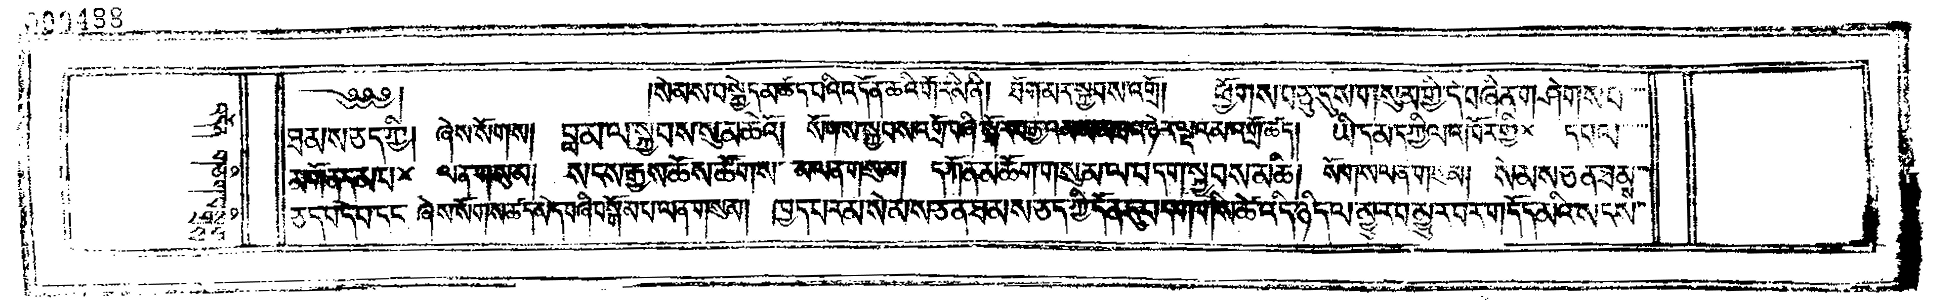༄༅༅། ། སེམས་བསྐྱེད་མཆོད་པའི་འདོན་ཆའི་གོ་རིམ་ནི། ཐོག་མར་སྐྱབས་འགྲོ།  ཕྱོགས་བཅུ་དུས་གསུམ་གྱི་དེ་བཞིན་གཤེགས་པ་
ཐམས་ཅད་ཀྱི། ཞེས་སོགས།  བླ་མ་ལ་སྐྱབས་སུ་མཆིའོ། སོགས་སྐྱབས་འགྲོ་བཞི་སྐོར་བརྒྱ་འམ་མ་མཐའ་ཉེར་ལྔའམ་འགྲོ་ཚད།  ཡི་དམ་དཀྱིལ་འཁོར་གྱི྾་དཔལ་
མགོན་དམ་པ྾་ལན་གསུམ།  སངས་རྒྱས་ཆོས་ཚོགས་མ་ལན་གསུམ།  དཀོན་མཆོག་གསུམ་ལ་བདག་སྐྱབས་མཆི། སོགས་ལན་གསུམ།  སེམས་ཅན་ཐམས་
ཅད་བདེ་བ་དང་ཞེས་སོགས་ཚད་མེད་བཞི་བསྒོམ་པ་ལན་གསུམ།  ཁྱད་པར་མ་སེམས་ཅན་ཐམས་ཅད་ཀྱི་དོན་དུ་བདག་གིས་ཚེ་འདི་ཉིད་ལ་མྱུར་བ་མྱུར་བར་གདོད་མའི་སངས་